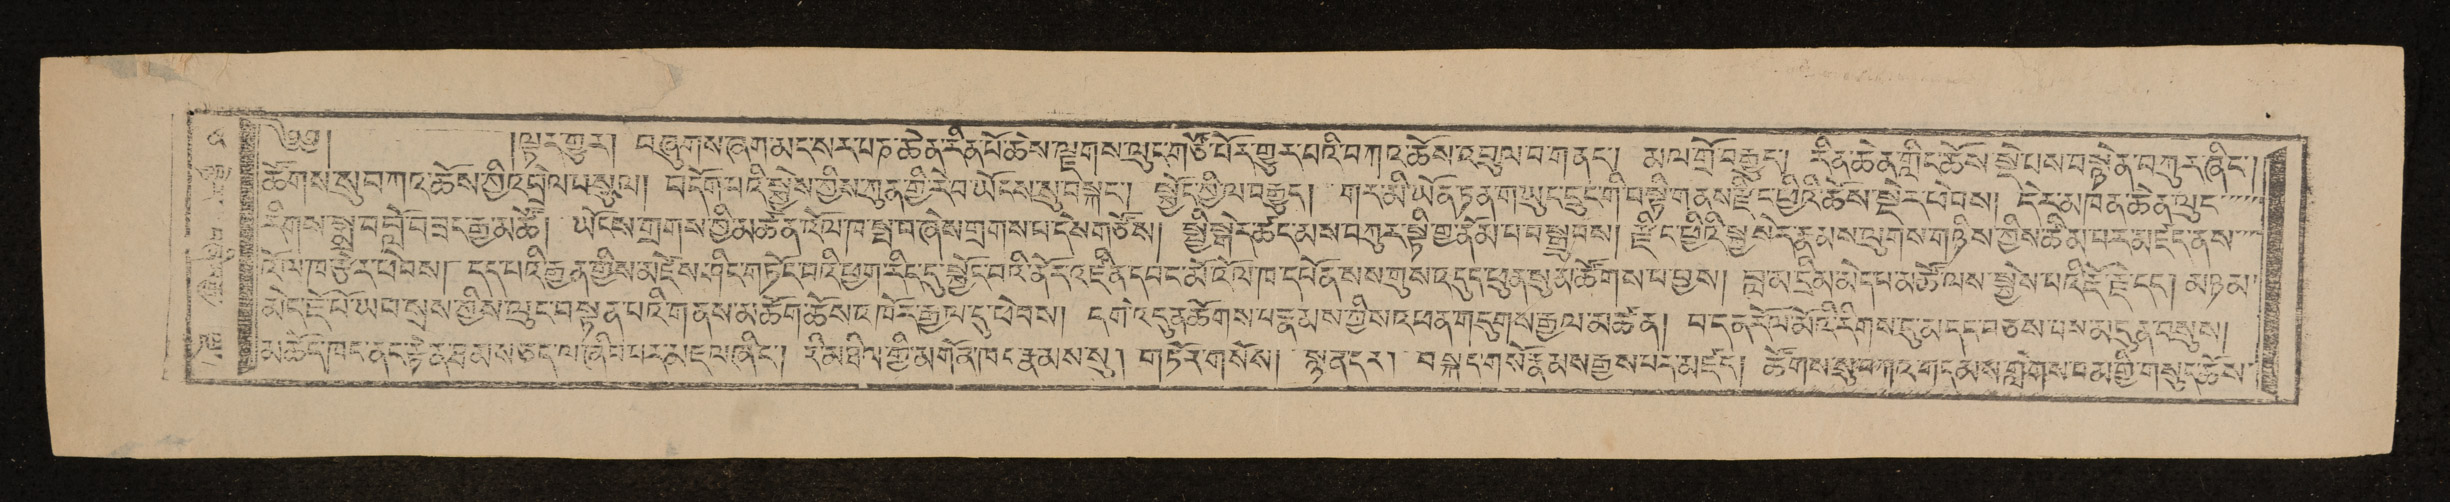༄༅། །ལྟར་གྱུར། བཞུགས་ཞག་མང་སར་པཎ་ཆེན་རིན་པོ་ཆེས་ལྗགས་ལུང་གཙོ་བོར་གྱུར་བའི་བཀའ་ཆོས་འབུལ་བ་གནང་། མལ་གྲོ་བརྒྱུད། རིན་ཆེན་གླིང་ཆོས་སྡེ་པས་བསྙེན་བཀུར་ཞིང་།
ཚོགས་སུ་བཀའ་ཆོས་ཀྱི་འབྲེལ་པ་སྩལ། བདོག་པའི་སྐྱེས་ཀྱིས་ཀུན་གྱི་རེ་བ་ཡོངས་སུ་བསྐང་། སྐྱོད་ཀྱི་ལ་བརྒྱུད། གར་མི་ཡོན་ཏན་གཡུང་དྲུང་གི་བསྟི་གནས་རྫིང་ཕྱིའི་ཆོས་སྡེར་ཕེབས། དེར་མཁན་ཆེན་ལུང་
རིགས་སྨྲ་བ་བློ་བཟང་རྒྱ་མཚོ། ཡོངས་གྲགས་ཀྱི་མཚན་འོལ་ཁ་སྦབ་ཞེས་གྲགས་པ་དེས་གཙོས། སྤྱི་སྒེར་ཚང་མས་བཀུར་སྟི་གྱ་ནོམ་པ་བསྒྲུབས། རྫིང་ཕྱིའི་སྐྱ་སེར་རྣམས་ལུགས་གཉིས་ཀྱིས་ཚིམ་པར་མཛད་ནས་
འོལ་ཁ་རྩེར་ཕེབས། དད་པའི་རྒྱན་གྱིས་མཛེས་ཤིང་གཏོང་བའི་ཕྱག་རིང་དུ་སྐྱོང་བའི་ནོར་འཛིན་དབང་མོ་འོལ་ཁ་དཔོན་སས་གུས་འདུད་ཕུན་སུམ་ཚོགས་པ་བྱས། བླ་མ་དྲི་མ་མེད་པ་མཚོ་ལས་སྐྱེས་པའི་རྡོ་རྗེ་དང་། མཉམ་
མེད་ཇོ་བོ་ཡབ་སྲས་ཀྱིས་ལུང་བསྟན་པའི་གནས་མཆོག་ཆོས་འཁོར་རྒྱལ་དུ་ཕེབས། དགེ་འདུན་ཚོགས་པ་རྣམས་ཀྱིས་འཕན་གདུགས་རྒྱལ་མཚན། བ་དན་རོལ་མོའི་རིགས་དུ་མ་དང་བཅས་པས་མདུན་བསུས།
མཆོད་ཁང་ནང་རྟེན་ཐམས་ཅད་ལ་ཞིབ་པར་མཇལ་ཞིང་། རི་མཐིལ་གྱི་མགོན་ཁང་རྣམས་སུ། གཏོར་གསོས། སྙན་དར། བསྐང་གསོ་རྣམས་རྒྱས་པར་མཛད། ཚོགས་སུ་བཀའ་གདམས་གླེགས་བམ་གྱི་གསུང་ཆོས་